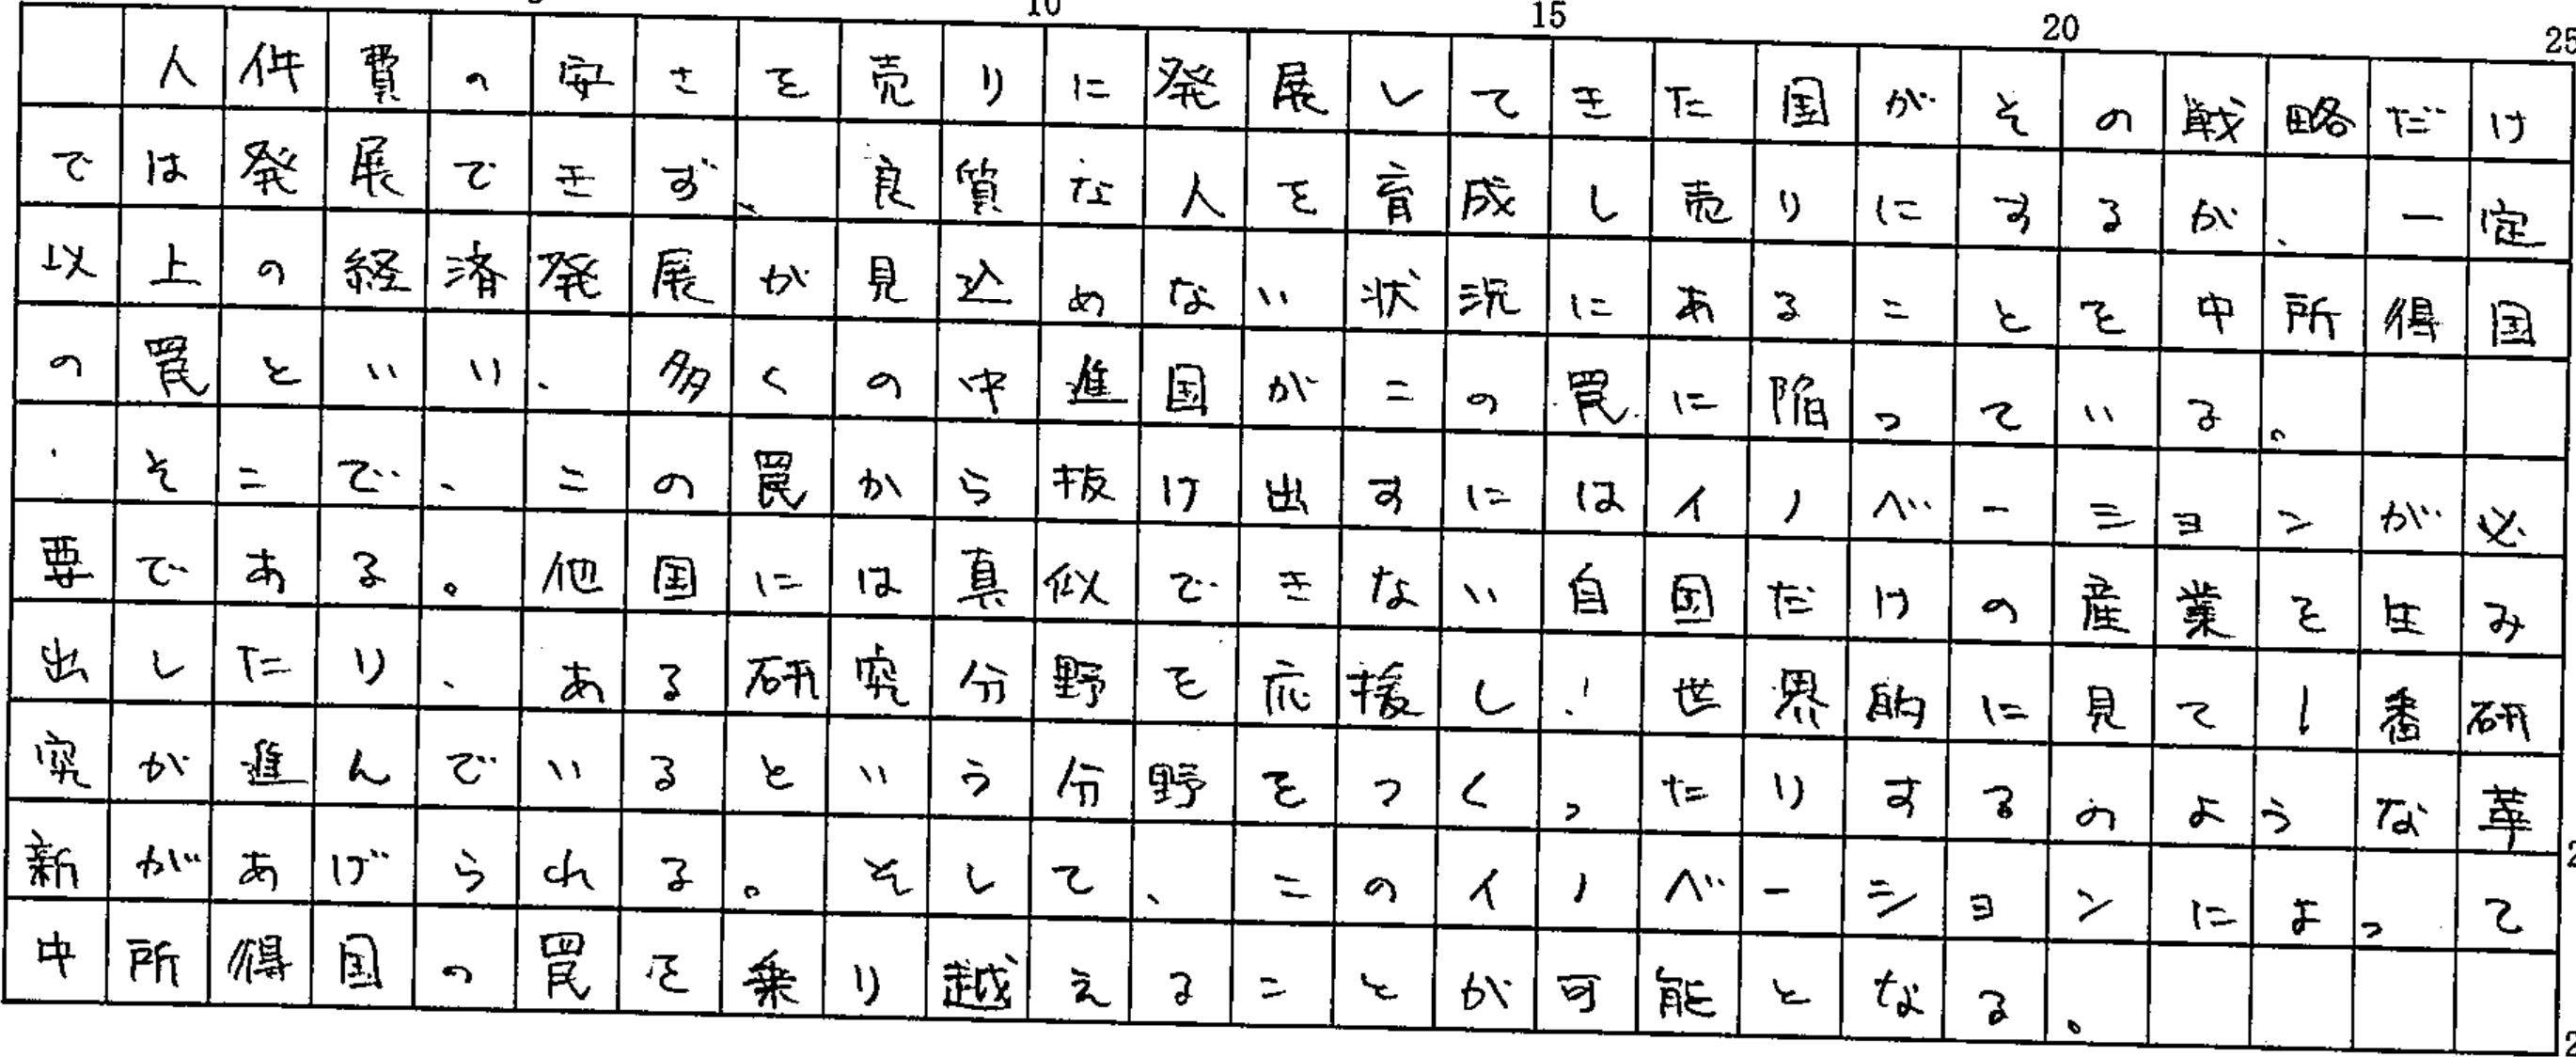　人件費の安さを売りに発展してきた国がその戦略だけでは発展できず、良質な人を育成し売りにするが、一定以上の経済発展が見込めない状況にあることを中所得国の罠といい、多くの中進国がこの罠に陥っている。
　そこで、この罠から抜け出すにはイノベーションが必要である。他国には真似できない自国だけの産業を生み出したり、ある研究分野を応援し、世界的に見て１番研究が進んでいるという分野をつくったりするのような革新があげられる。そして、このイノベーションによって中所得国の罠を乗り越えることが可能となる。
